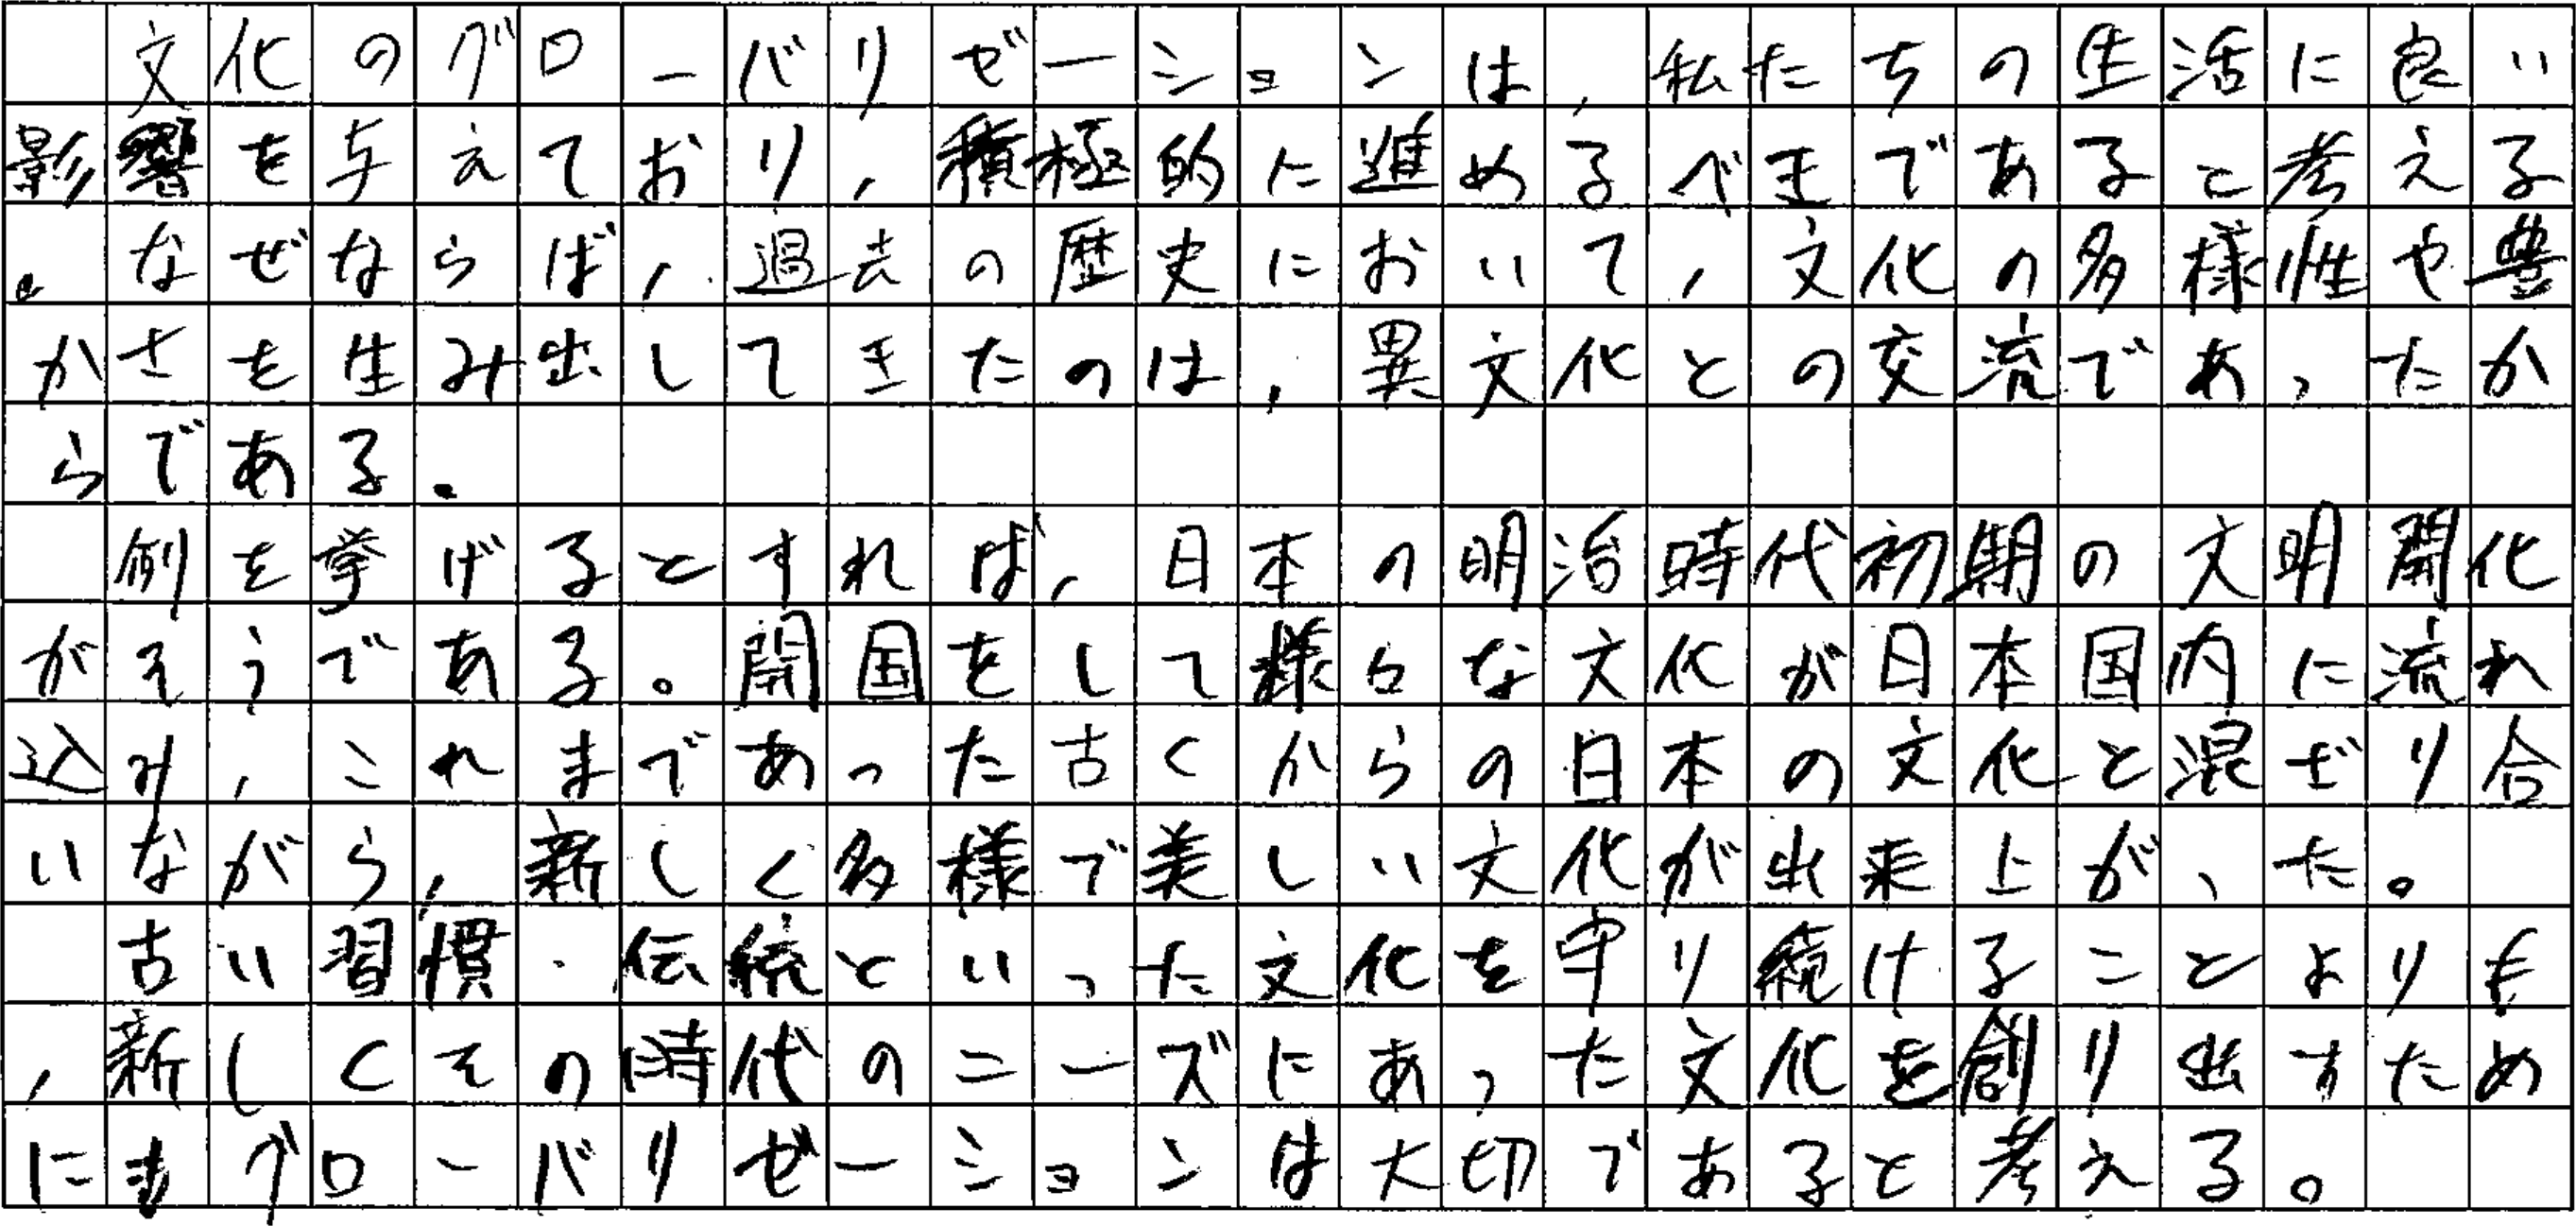　文化のグローバリゼーションは、私たちの生活に良い影響を与えており、積極的に進めるべきであると考える。なぜならば、過去の歴史において、文化の多様性や豊かさを生み出してきたのは、異文化との交流であったからである。
　例を挙げるとすれば、日本の明治時代初期の文明開化がそうである。開国をして様々な文化が日本国内に流れ込み、これまであった古くからの日本の文化と混ざり合いながら、新しく多様で美しい文化が出来上がった。
　古い習慣・伝統といった文化を守り続けることよりも、新しくその時代のニーズにあった文化を創り出すためにもグローバリゼーションは大切であると考える。
